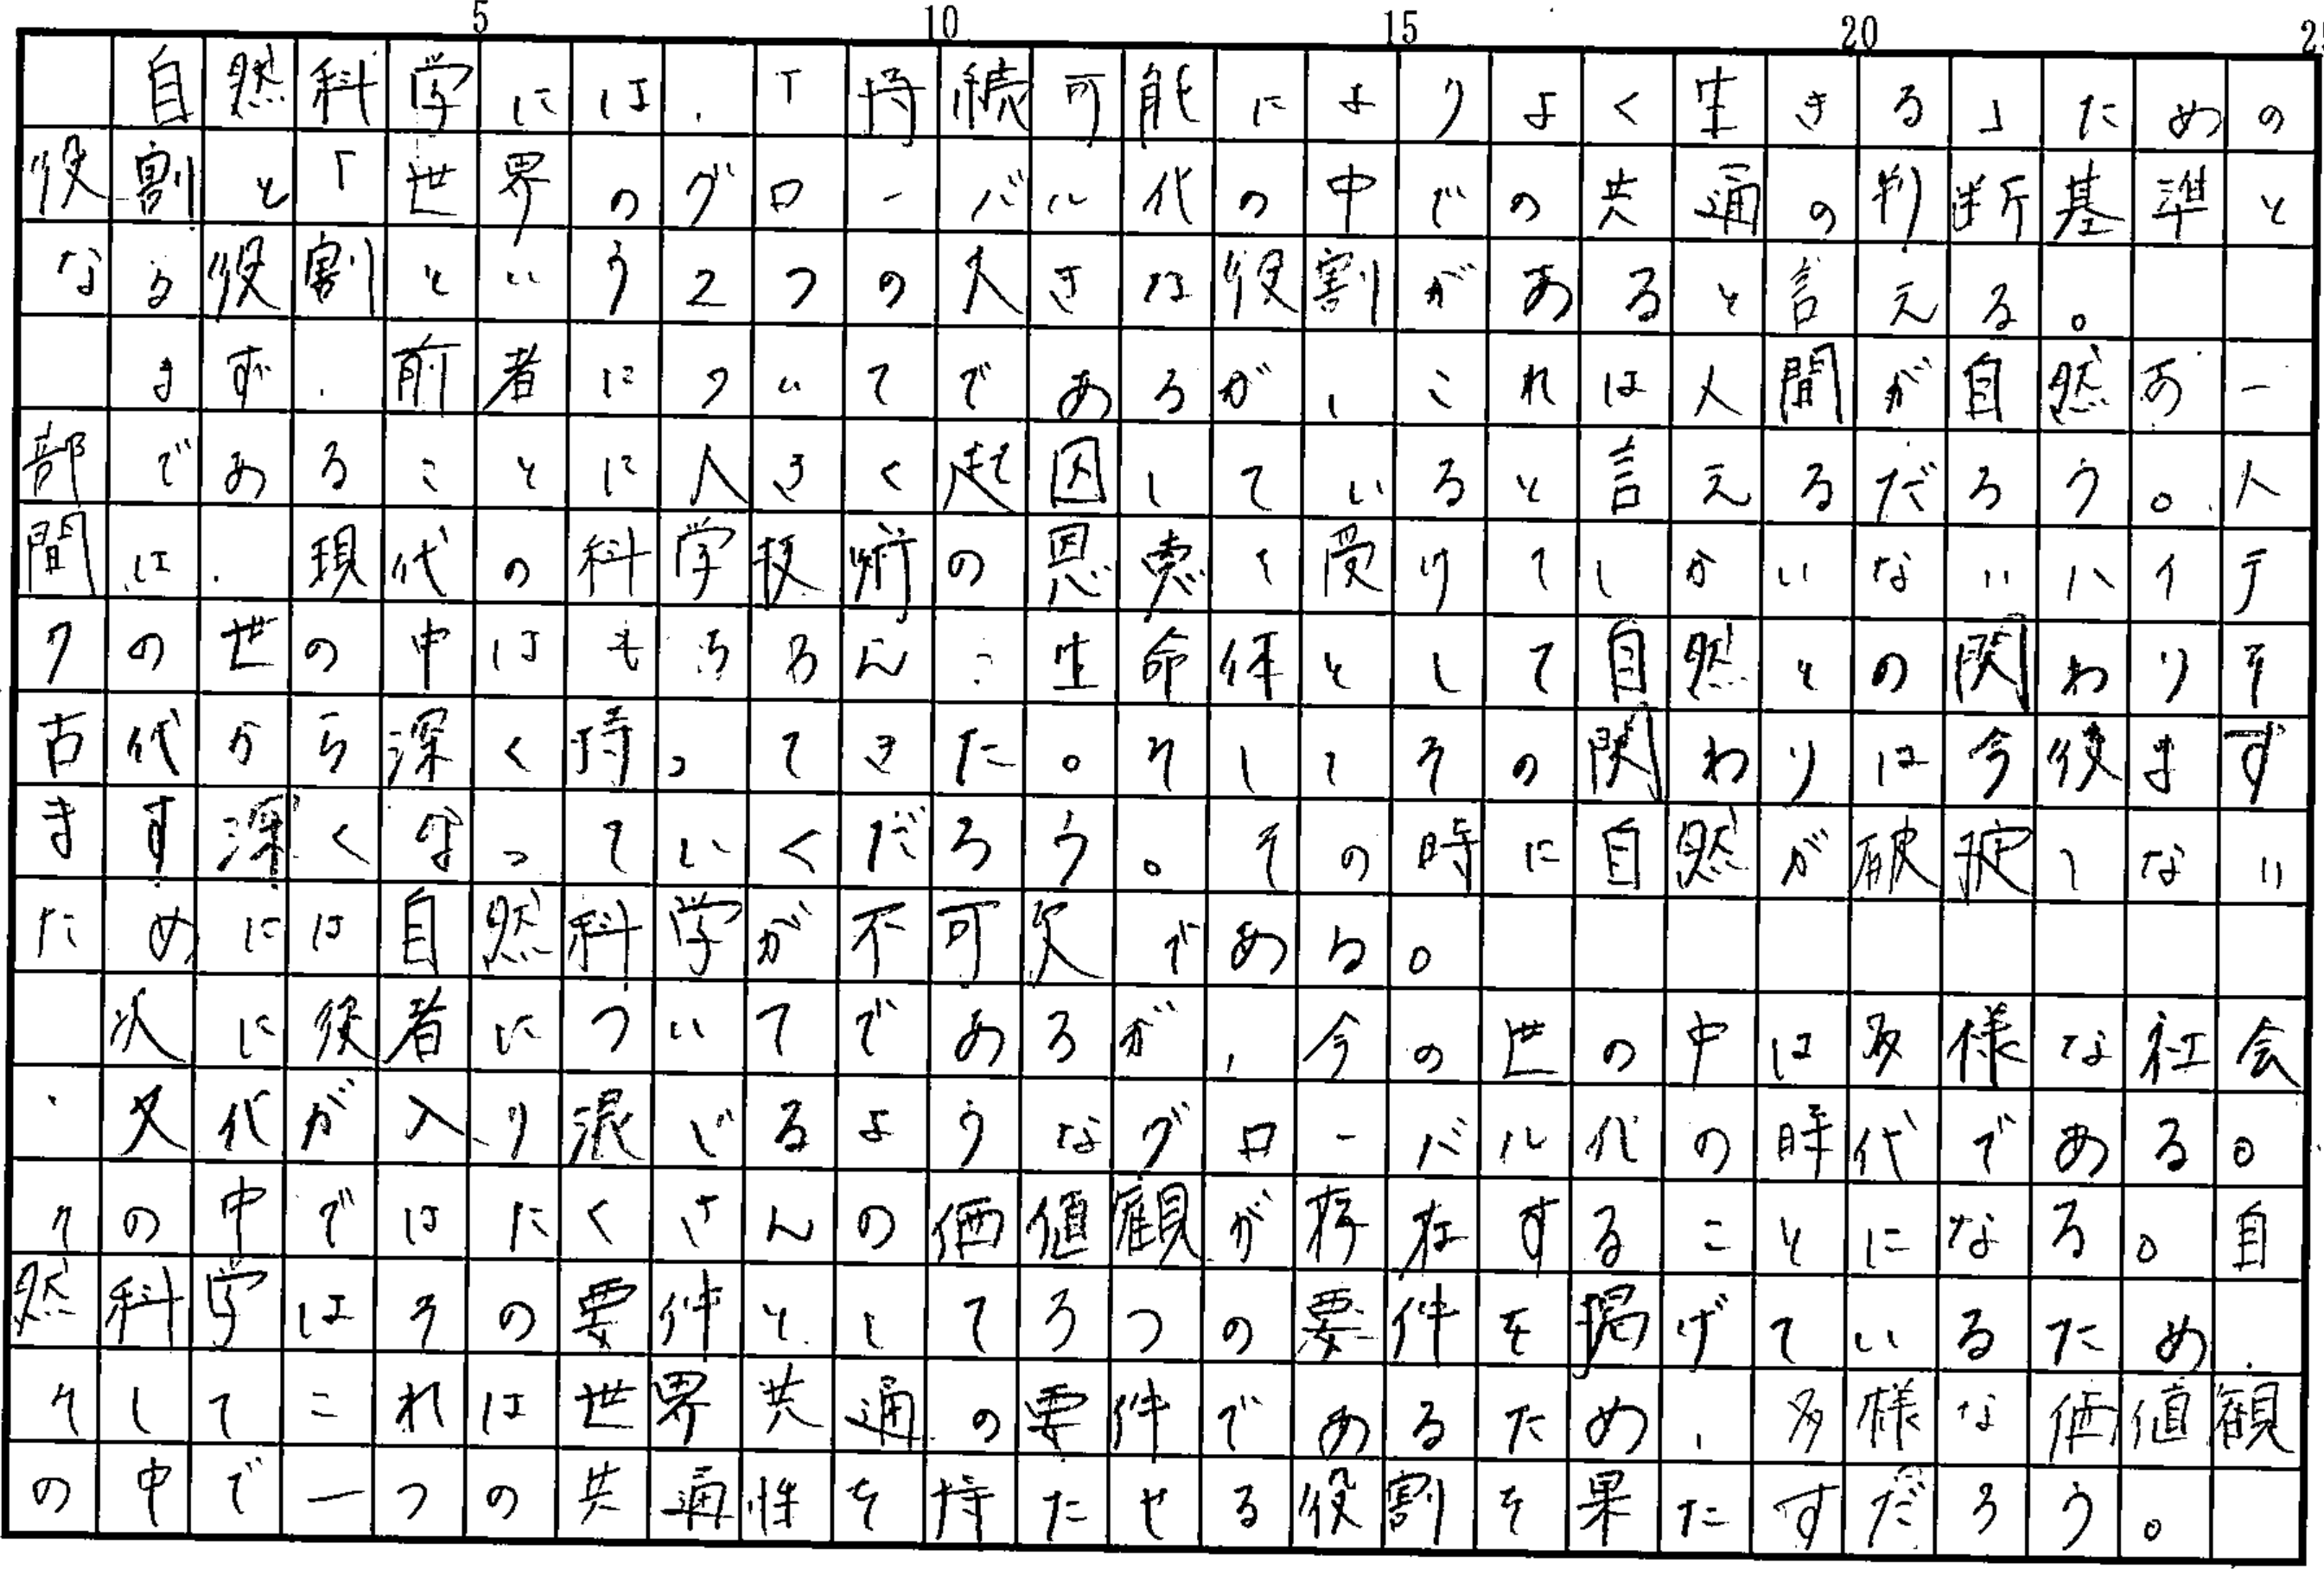　自然科学には、「持続可能によりよく生きる」ための役割と「世界のグローバル化の中での共通の判断基準となる役割という２つの大きな役割があると言える。
　まず、前者についてであるが、これは人間が自然の一部であることに大きく起因していると言えるだろう。人間は、現代の科学技術の恩恵を受けてしかいないハイテクの世の中はもちろん、生命体として自然との関わりを古代から深く持ってきた。そしてその関わりは今後ますます深くなっていくだろう。その時に自然が破綻しないためには自然科学が不可欠である。
　次に後者についてであるが、今の世の中は多様な社会・文化が入り混じるようなグローバル化の時代である。その中ではたくさんの価値観が存在することになる。自然科学はその要件として３つの要件を掲げているため、そしてこれは世界共通の要件であるため、多様な価値観の中で一つの共通性を持たせる役割を果たすだろう。
